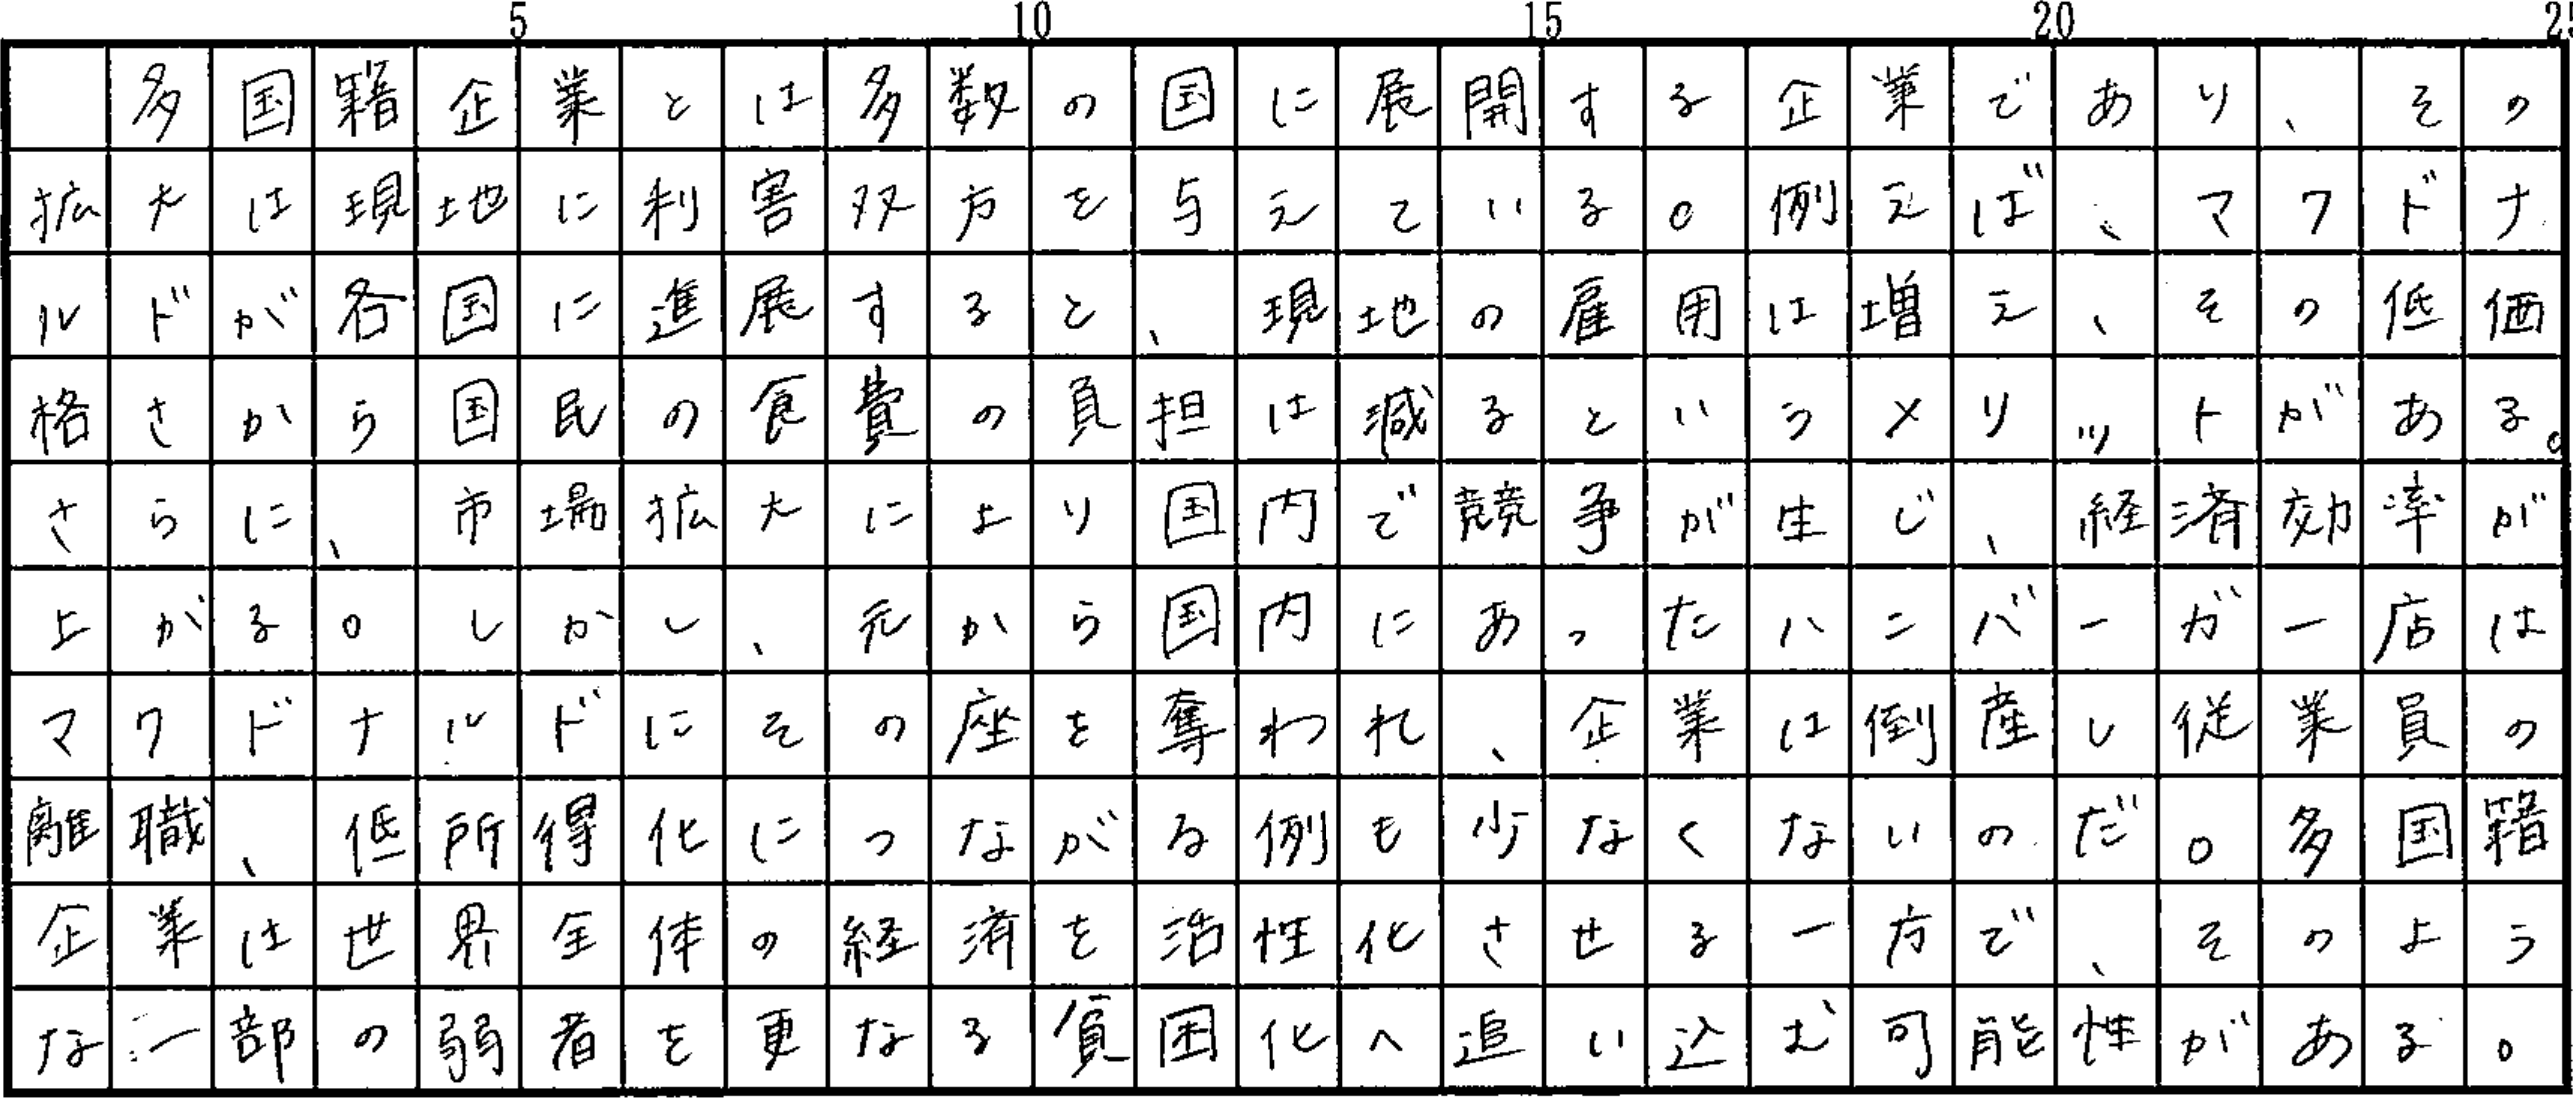　多国籍企業とは多数の国に展開する企業であり、その拡大は現地に利害双方を与えている。例えば、マクドナルドが各国に進展すると、現地の雇用は増え、その低価格さから国民の食費の負担は減るというメリットがある。さらに、市場拡大により国内で競争が生じ、経済効率が上がる。しかし、元から国内にあったハンバーガー店はマクドナルドにその座を奪われ、企業は倒産し従業員の離職、低所得化につながる例も少なくないのだ。多国籍企業は世界全体の経済を活性化させる一方で、そのような一部の弱者を更なる貧困化へ追い込む可能性がある。
